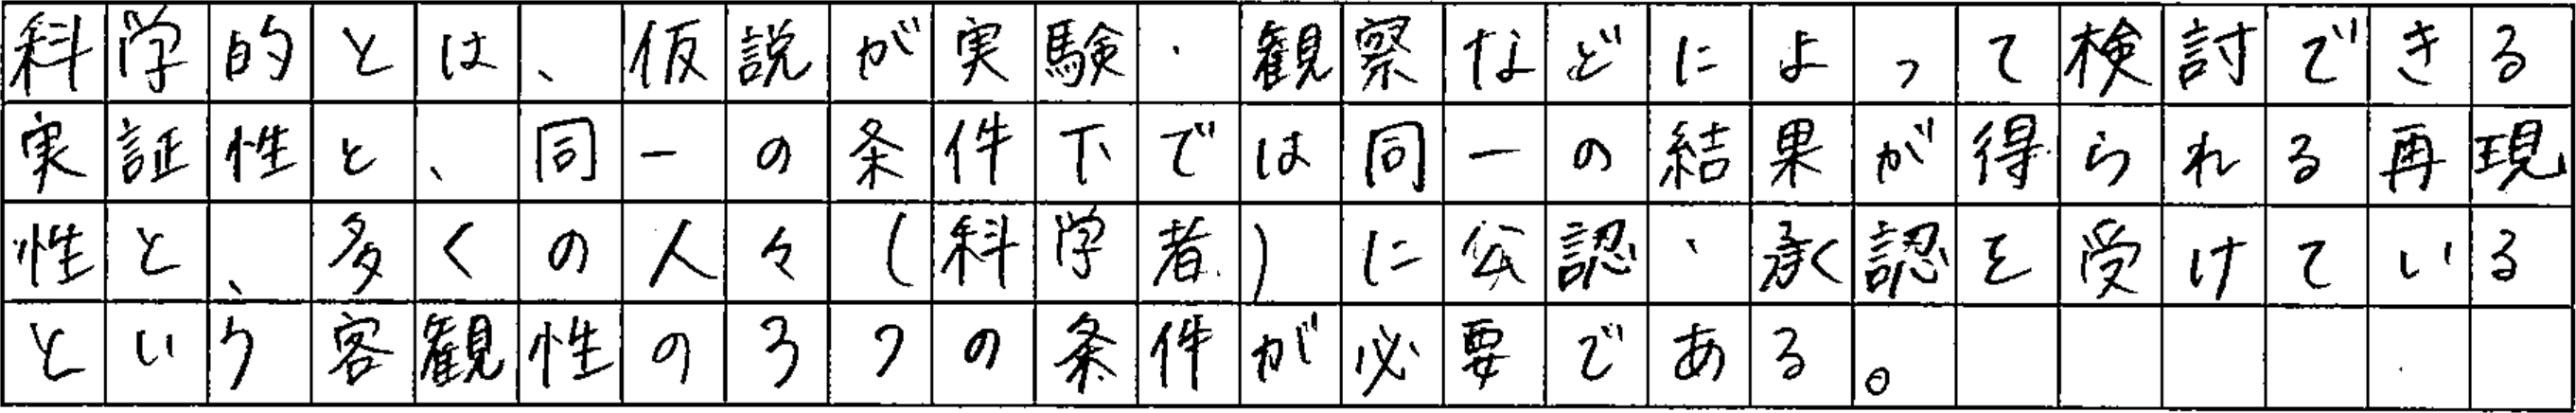科学的とは、仮説が実験・観察などによって検討できる実証性と、同一の条件下では同一の結果が得られる再現性と、多くの人々（科学者）に公認・承認を受けているという客観性の３つの条件が必要である。
